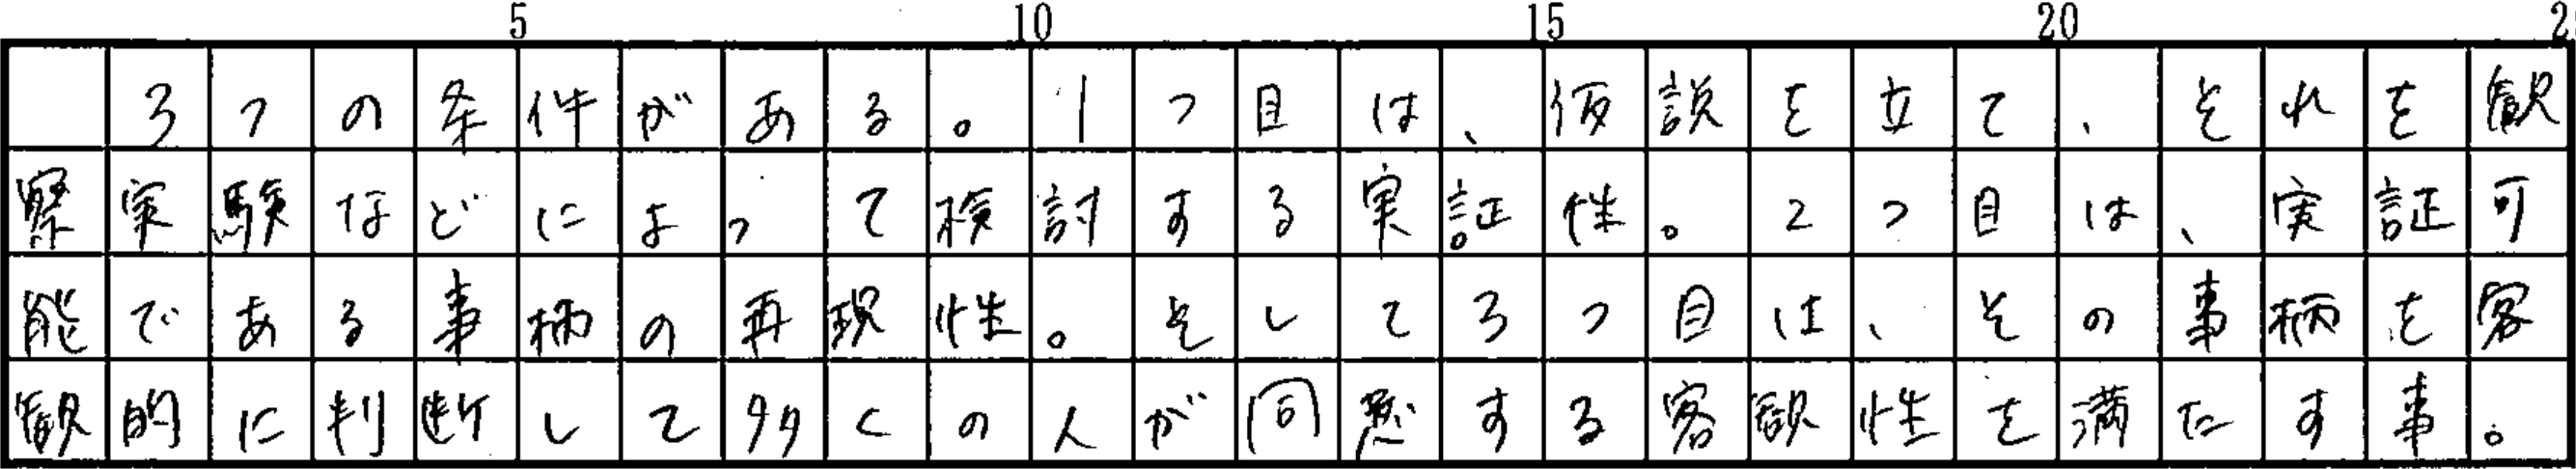　３つの条件がある。１つ目は、仮説を立て、それを観察実験などによって検討する実証性。２つ目は、実証可能である事柄の再現性。そして３つ目は、その事柄を客観的に判断して多くの人が同意する客観性を満たす事。
